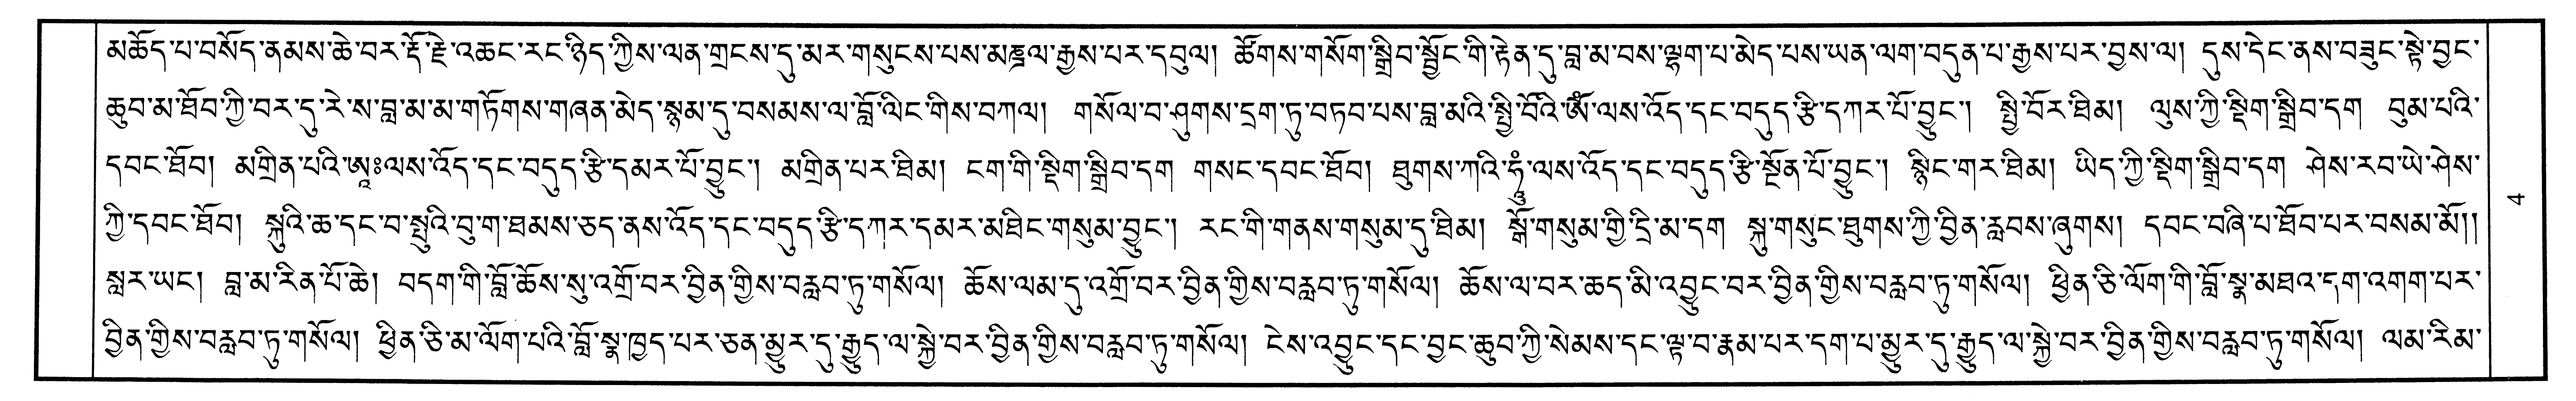མཆོད་པ་བསོད་ནམས་ཆེ་བར་རྡོ་རྗེ་འཆང་རང་ཉིད་ཀྱིས་ལན་གྲངས་དུ་མར་གསུངས་པས་མཎྜལ་རྒྱས་པར་དབུལ། ཚོགས་གསོག་སྒྲིབ་སྦྱོང་གི་རྟེན་དུ་བླ་མ་བས་ལྷག་པ་མེད་པས་ཡན་ལག་བདུན་པ་རྒྱས་པར་བྱས་ལ། དུས་དེང་ནས་བཟུང་སྟེ་བྱང་
ཆུབ་མ་ཐོབ་ཀྱི་བར་དུ་རེ་ས་བླ་མ་མ་གཏོགས་གཞན་མེད་སྙམ་དུ་བསམས་ལ་བློ་ལིང་གིས་བཀལ། གསོལ་བ་ཤུགས་དྲག་ཏུ་བཏབ་པས་བླ་མའི་སྤྱི་བོའི་ཨོཾ་ལས་འོད་དང་བདུད་རྩི་དཀར་པོ་བྱུང་། སྤྱི་བོར་ཐིམ། ལུས་ཀྱི་སྡིག་སྒྲིབ་དག་བུམ་པའི་
དབང་ཐོབ། མགྲིན་པའི་ཨཱཿ ལས་འོད་དང་བདུད་རྩི་དམར་པོ་བྱུང་། མགྲིན་པར་ཐིམ། ངག་གི་སྡིག་སྒྲིབ་དག་གསང་དབང་ཐོབ། ཐུགས་ཀའི་ཧཱུཾ་ལས་འོད་དང་བདུད་རྩི་སྔོན་པོ་བྱུང་། སྙིང་གར་ཐིམ། ཡིད་ཀྱི་སྡིག་སྒྲིབ་དག་ཤེས་རབ་ཡེ་ཤེས་
ཀྱི་དབང་ཐོབ། སྐུའི་ཆ་དང་བ་སྤུའི་བུ་ག་ཐམས་ཅད་ནས་འོད་དང་བདུད་རྩི་དཀར་དམར་མཐིང་གསུམ་བྱུང་། རང་གི་གནས་གསུམ་དུ་ཐིམ། སྒོ་གསུམ་གྱི་དྲི་མ་དག་སྐུ་གསུང་ཐུགས་ཀྱི་བྱིན་རླབས་ཞུགས། དབང་བཞི་པ་ཐོབ་པར་བསམ་མོ།།
སླར་ཡང་། བླ་མ་རིན་པོ་ཆེ། བདག་གི་བློ་ཆོས་སུ་འགྲོ་བར་བྱིན་གྱིས་བརླབ་ཏུ་གསོལ། ཆོས་ལམ་དུ་འགྲོ་བར་བྱིན་གྱིས་བརླབ་ཏུ་གསོལ། ཆོས་ལ་བར་ཆད་མི་འབྱུང་བར་བྱིན་གྱིས་བརླབ་ཏུ་གསོལ། ཕྱིན་ཅི་ལོག་གི་བློ་སྣ་མཐའ་དག་འགག་པར་
བྱིན་གྱིས་བརླབ་ཏུ་གསོལ། ཕྱིན་ཅི་མ་ལོག་པའི་བློ་སྣ་ཁྱད་པར་ཅན་མྱུར་དུ་རྒྱུད་ལ་སྐྱེ་བར་བྱིན་གྱིས་བརླབ་ཏུ་གསོལ། ངེས་འབྱུང་དང་བྱང་ཆུབ་ཀྱི་སེམས་དང་ལྟ་བ་རྣམ་པར་དག་པ་མྱུར་དུ་རྒྱུད་ལ་སྐྱེ་བར་བྱིན་གྱིས་བརླབ་ཏུ་གསོལ། ལམ་རིམ་